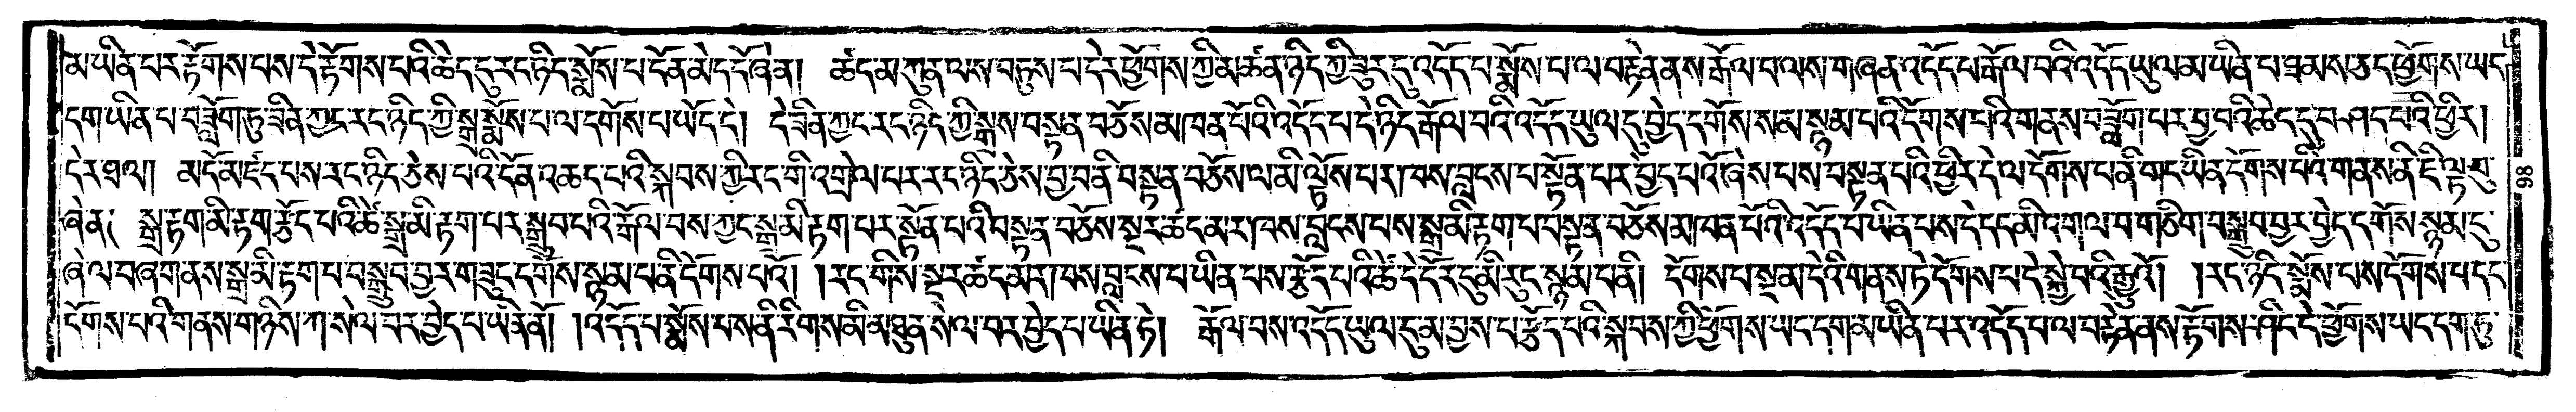མ་ཡིན་པར་རྟོགས་པས་དེ་རྟོགས་པའི་ཆེད་དུ་རང་ཉིད་སྨོས་པ་དོན་མེད་དོ་ཞེ་ན། ཚད་མ་ཀུན་ལས་བཏུས་པ་དེར་ཕྱོགས་ཀྱི་མཚན་ཉིད་ཀྱི་ཟུར་དུ་འདོད་པ་སྨོས་པ་ལ་བརྟེན་ནས་རྒོལ་བ་ལས་གཞན་འདོད་པ་རྒོལ་བའི་འདོད་ཡུལ་མ་ཡིན་པ་ཐམས་ཅད་ཕྱོགས་ཡང་
དག་ཡིན་པ་བཟློག་ཏུ་ཟིན་ཀྱང་རང་ཉིད་ཀྱི་སྒྲ་སྨོས་པ་ལ་དགོས་པ་ཡོད་དེ། དེ་ཟིན་ཀྱང་རང་ཉིད་ཀྱི་སྒྲས་བསྟན་བཅོས་མཁན་པོའི་འདོད་པ་དེ་ཉིད་རྒོལ་བའི་འདོད་ཡུལ་དུ་བྱེད་དགོས་སམ་སྙམ་པའི་དོགས་པའི་གནས་བཟློག་པར་བྱ་བའི་ཆེད་དུ་བཤད་པའི་ཕྱིར།
དེར་ཐལ། མདོ་མཛད་པས་རང་ཉིད་ཅེས་པའི་དོན་འཆང་པའི་སྐབས་ཀྱི་རང་གི་འགྲེལ་པར་རང་ཉིད་ཅེས་བྱ་བ་ནི་བསྟན་བཅོས་ལ་མི་ལྟོས་པར་ཁས་བླངས་པ་སྟོན་པར་བྱེད་པའོ་ཞེས་པས་བསྟན་པའི་ཕྱིར་དེ་ལ་དོགས་པ་ནི་གང་ཡིན་དོགས་པའི་གནས་ནི་ཇི་ལྟ་བུ་
ཞེ་ན༑ སྒྲ་རྟག་མི་རྟག་རྩོད་པའི་ཚེ་སྒྲ་མི་རྟག་པར་སྒྲུབ་པའི་རྒོལ་བས་ཀྱང་སྒྲ་མི་རྟག་པར་སྟོན་པའི་བསྟན་བཅོས་སྔར་ཚད་མར་ཁས་བླངས་པས་སྒྲ་མི་རྟག་པ་བསྟན་བཅོས་མཁན་པོའི་འདོད་པ་ཡིན་པས་དེ་དང་མི་འགལ་བ་གཅིག་བསྒྲུབ་བྱར་བྱེད་དགོས་སྙམ་དུ་
ཞེ་ལ་བཞག་ནས་སྒྲ་མི་རྟག་པ་བསྒྲུབ་བྱར་གཟུང་དགོས་སྙམ་པ་ནི་དོགས་པའོ། །རང་གིས་སྔར་ཚད་མར་ཁས་བླངས་པ་ཡིན་པས་རྩོད་པའི་ཚེ་དེ་དོར་དུ་མི་རུང་སྙམ་པ་ནི། དོགས་པ་སྔ་མ་དེའི་གནས་ཏེ་དོགས་པ་དེ་སྐྱེ་བའི་རྒྱུའོ། །རང་ཉིད་སྨོས་པས་དོགས་པ་དང་
དོགས་པའི་གནས་གཉིས་ཀ་སེལ་བར་བྱེད་པ་ཡིན་ནོ། །འདོད་པ་སྨོས་པས་ནི་རིགས་མི་མཐུན་སེལ་བར་བྱེད་པ་ཡིན་ཏེ། རྒོལ་བས་འདོད་ཡུལ་དུ་མ་བྱས་པ་རྩོད་པའི་སྐབས་ཀྱི་ཕྱོགས་ཡང་དག་མ་ཡིན་པར་འདོད་པ་ལ་བརྟེན་ནས་རྟོགས་ཤིང་དེ་ཕྱོགས་ཡང་དག་ཏུ་